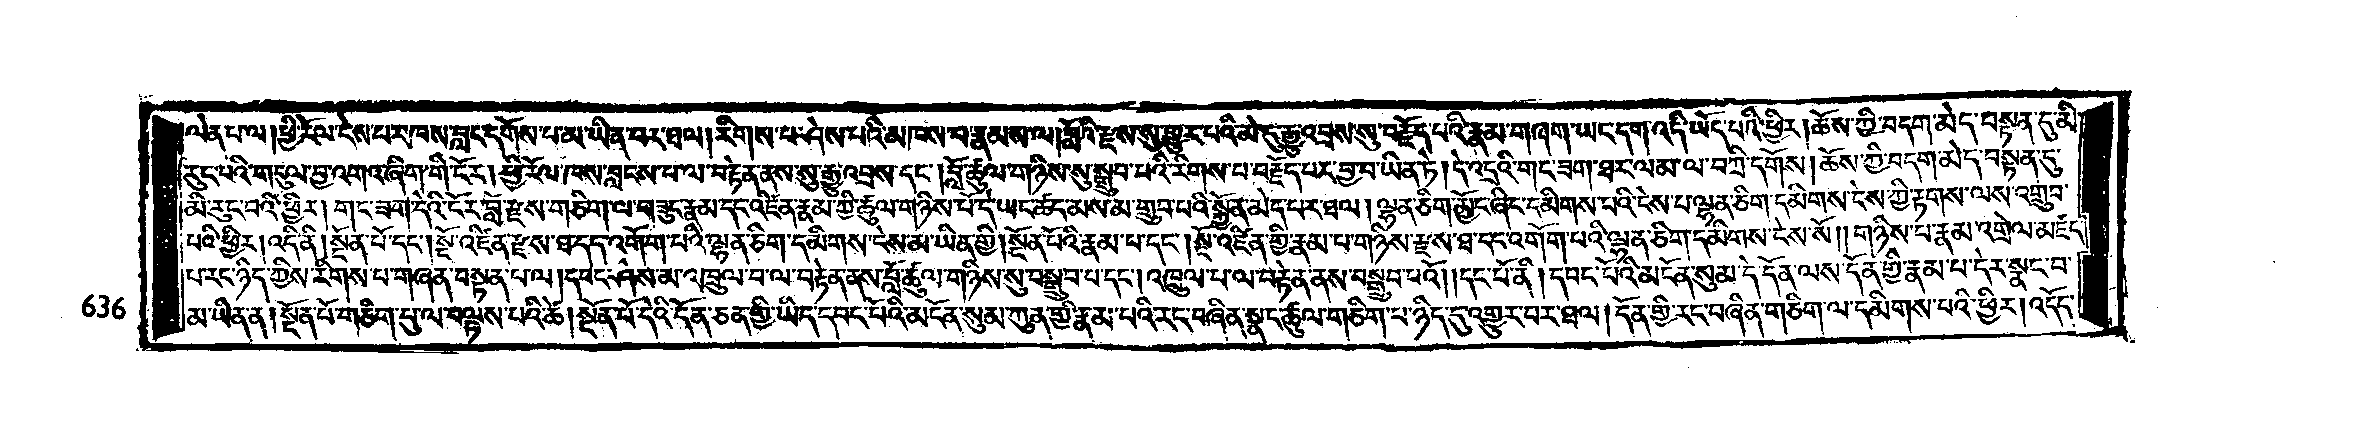ལེན་པ་ལ། ཕྱི་རོལ་ངེས་པར་ཁས་བླང་དགོས་པ་མ་ཡིན་པར་ཐལ། རིགས་པ་ཤེས་པའི་མཁས་པ་རྣམས་ལ། བློའི་རྫས་སུ་གྱུར་པའི་མེ་དུ་རྒྱུ་འབྲས་སུ་བརྗོད་པའི་རྣམ་གཞག་ཡང་དག་འདི་ཡོད་པའི་ཕྱིར། ཆོས་ཀྱི་བདག་མེད་བསྟན་དུ་མི་
རུང་བའི་གདུལ་བྱ་འགའ་ཞིག་གི་ངོར། ཕྱི་རོལ་ཁས་བླངས་པ་ལ་བརྟེན་ནས་སུ་རྒྱུ་འབྲས་དང་། བློ་ཚུལ་གཉིས་སུ་སྒྲུབ་པའི་རིགས་པ་བརྗོད་པར་བྱ་བ་ཡིན་ཏེ། དེ་འདྲའི་གང་ཟག་ཐར་ལམ་ལ་བཀྲི་དགོས། ཆོས་ཀྱི་བདག་མེད་བསྟན་དུ་
མི་རུང་བའི་ཕྱིར། གང་ཟག་དེའི་ངོར་བློ་རྫས་གཅིག་ལ་གཟུང་རྣམ་དང་འཛིན་རྣམ་ཀྱི་ཚུལ་གཉིས་པོ་དེ་ཡང་ཚད་མས་མ་གྲུབ་པའི་སྐྱོན་མེད་པར་ཐལ། ལྷན་ཅིག་མྱོང་ཞིང་དམིགས་པའི་ངེས་པ་ལྷན་ཅིག་དམིགས་ངེས་ཀྱི་རྟགས་ལས་འགྲུབ་
པའི་ཕྱིར། འདི་ནི། སྔོན་པོ་དང་། སྔོ་འཛིན་རྫས་ཐ་དད་འགོག་པའི་ལྷན་ཅིག་དམིགས་ངེས་མ་ཡིན་གྱི། སྔོན་པོའི་རྣམ་པ་དང་། སྔོ་འཛིན་གྱི་རྣམ་པ་གཉིས་རྫས་ཐ་དད་འགོག་པའི་ལྷན་ཅིག་དམིགས་ངེས་སོ། །གཉིས་པ་རྣམ་འགྲེལ་མཛད་
པ་རང་ཉིད་ཀྱིས་རིགས་པ་གཞན་བསྟན་པ་ལ། དབང་ཤེས་མ་འཁྲུལ་བ་ལ་བརྟེན་ནས་བློ་ཚུལ་གཉིས་སུ་བསྒྲུབ་པ་དང་། འཁྲུལ་པ་ལ་བརྟེན་ནས་བསྒྲུབ་པའོ། །དང་པོ་ནི། དབང་པོའི་མངོན་སུམ་དེ་དོན་ལས་དོན་གྱི་རྣམ་པ་དེར་སྣང་བ་
མ་ཡིན་ན། སྔོན་པོ་གཅིག་པུ་ལ་བལྟས་པའི་ཚེ། སྔོན་པོ་དེའི་དོན་ཅན་གྱི་ཡིད་དབང་པོའི་མངོན་སུམ་ཀུན་གྱི་རྣམ་པའི་རང་བཞིན་སྣང་ཚུལ་གཅིག་པ་ཉིད་དུ་འགྱུར་བར་ཐལ། དོན་གྱི་རང་བཞིན་གཅིག་ལ་དམིགས་པའི་ཕྱིར། འདོད་